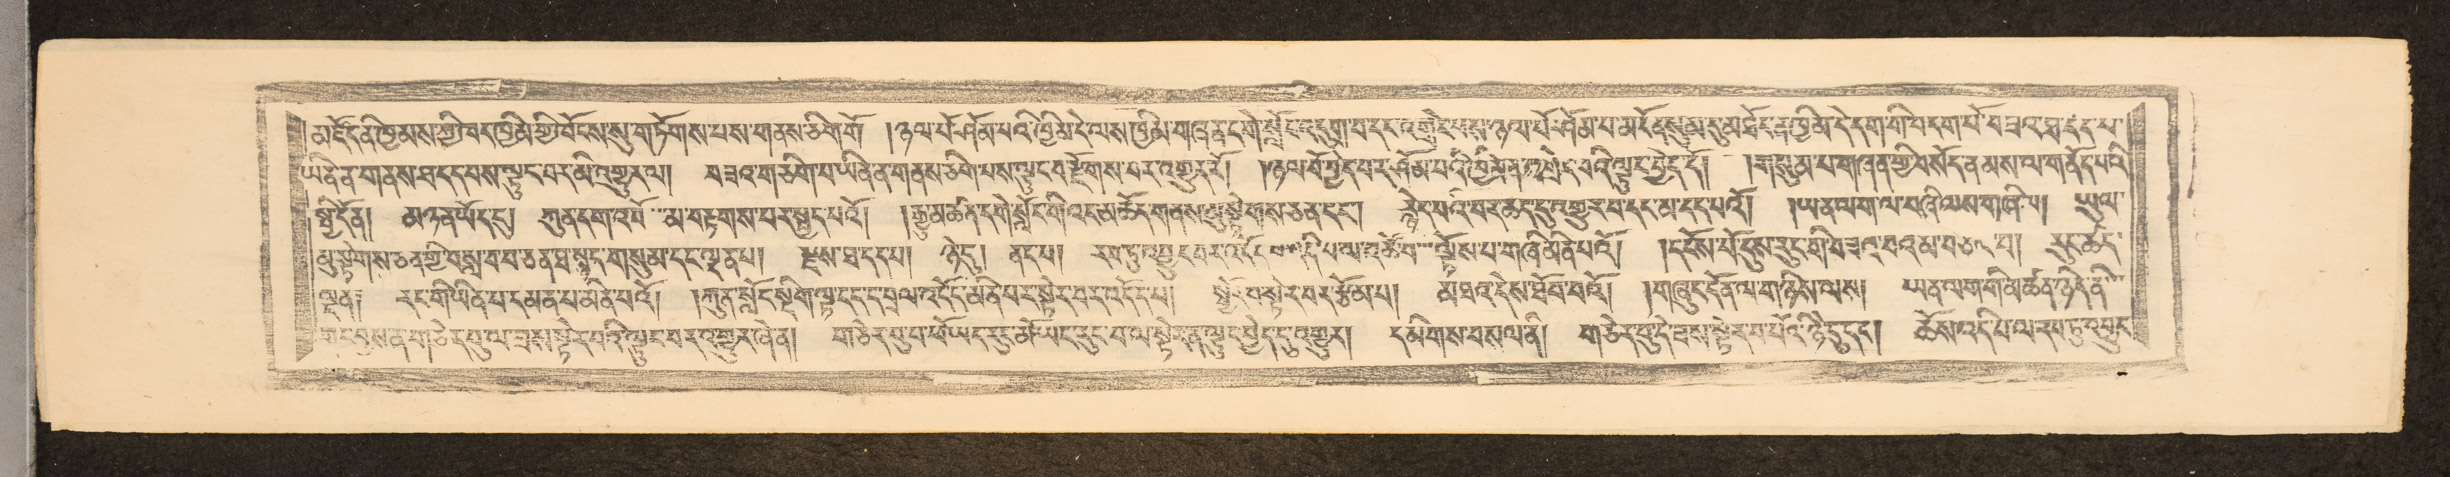མཛོད་ནི་ཁྱམས་ཀྱི་ཁང་ཁྱིམ་གྱི་ཁོངས་སུ་གཏོགས་བས་གནས་ཅིག་གོ །ཉལ་བོ་ཤོམ་པའི་ཁྱིམ་དེ་ལས་ཁྱིམ་གཞན་དགེ་སློང་འདུག་པ་དང་འགྲེང་བས་ཉལ་བོ་ཤོམ་པ་མངོན་སུམ་དུ་མཐོང་ན་ཁྱིམ་དེ་དག་གི་བདག་བ་བཟའ་ཐ་དད་པ་
ཡིན་ན་གནས་ཐ་དད་པས་ལྟུང་བང་མི་འགྱུར་ལ། བཟའ་གཅིག་བ་ཡིན་ན་གནས་ཅིག་བས་ལྟུང་བ་རྫོགས་པར་འགྱུར་རོ། །ཉལ་བོ་བྱེད་པར་ཤོམ་པའི་ཁྱིམ་ན་འགྲེང་བའི་ལྟུང་བྱེད་དོ། །གསུམ་པ་གཞན་གྱི་བསོད་ནམས་ལ་གནོད་པའི་
སྦྱི་དོན། མཉན་ཡོད་དུ། ཀུན་དགའ་བོ་མ་བརྟགས་པར་སྦྱད་པའོ། །རྒྱུ་མཚན་དགེ་སློང་གིའང་མཆོད་གནས་མུ་སྟེགས་ཅན་དང་། རྙེད་པའི་བར་ཆད་དུ་འགྱུར་བ་དང་མ་དད་པའོ། །ཡན་ལག་ལ་བཞི་ལས་གཞིལ། ཡུལ་
མུ་སྟེགས་ཅན་གྱི་བསླབ་པ་ཅན་ཐ་སྙད་གསུམ་དང་ལྡན་པ། རྫས་ཐ་དད་པ། ཉེ་དུ། ནད་པ། རབ་ཏུ་འབྱུང་བར་འདོད་བ་འདི་བ་ལ་འཚོ་བ་ལྟོས་པ་གཞི་མིན་པའོ། །དངོས་པོ་དུས་རུང་གི་བཟའ་བ་འམ་བཅའ་བ། རུང་ཚད་
ལྡན༑ རང་གི་ཡིན་པ་དམན་པ་མིན་པའོ། །ཀུན་སློང་སྡིག་ལྟ་དང་དབྲལ་འདོད་མིན་པར་སྟེར་བར་འདོད་པ། སྦྱོར་བ་སྟེར་བར་རྩོམ་པ། མཐའ་དེས་ཐོབ་བའོ། །གཞུང་དོན་ལ་གཉིས་ལས། ཡན་ལག་གི་མཚན་ཉིད་ནི་
གང་བྱས་ན་གཅེར་བུ་ལ་ཟས་སྟེར་བའི་ལྟུང་བར་འགྱུར་ཞེ་ན། གཅེར་བུ་པ་ཕོ་ཡ་ད་རུང་མོ་ཡང་རུང་བ་ལ་སྟེར་ན་ལྟུང་བྱེད་དུ་འགྱུར། དམིགས་བསལ་ནི། གཅེར་བུ་དེ་ཟས་སྟེར་བ་བོའི་ཉེ་དུ་དང་། ཆོས་འདིབ་ལ་རབ་ཏུ་འབྱུང་